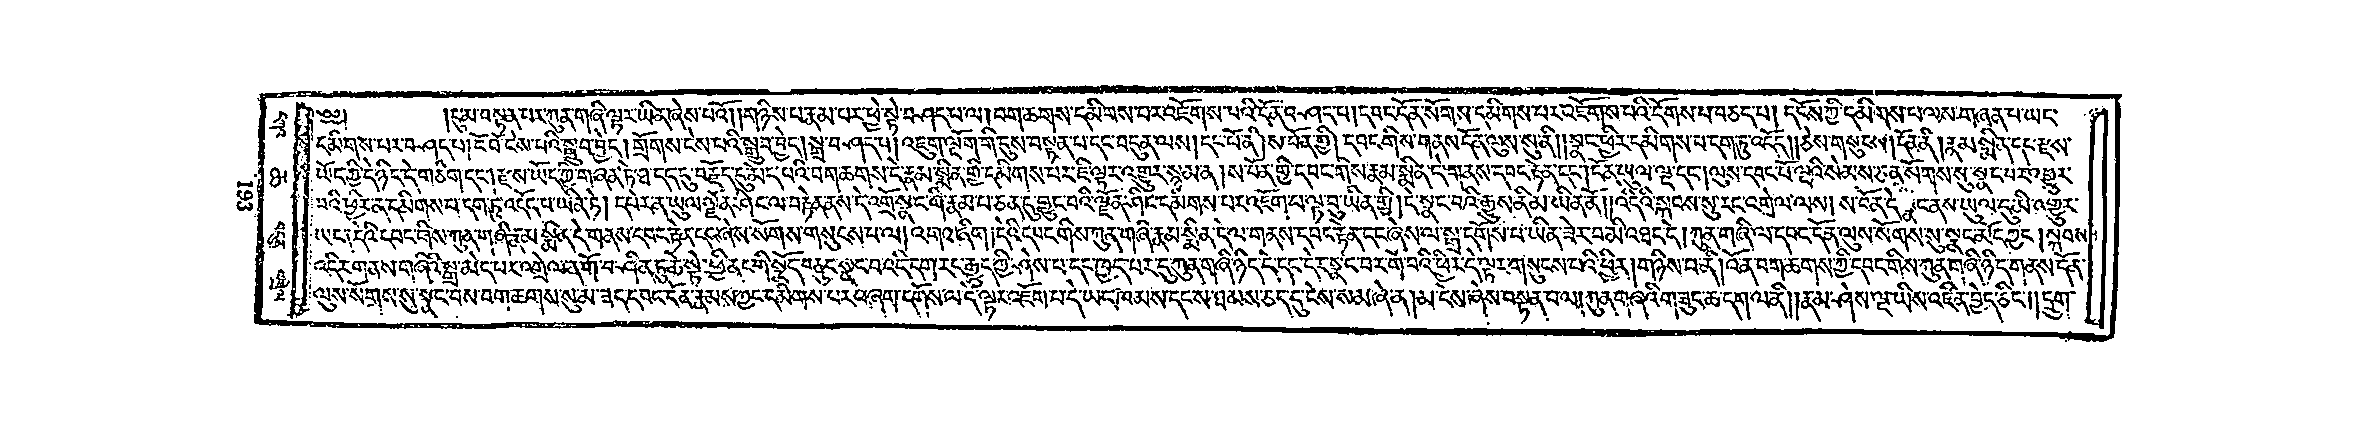༄༅། །དུ་མ་བསྟན་པར་ཀུན་གཞི་ལྟར་ཡིན་ཞེས་པའོ། །གཉིས་པ་རྣམ་པར་ཕྱེ་སྟེ་བཤད་པ་ལ། བག་ཆགས་དམིགས་པར་འཇོགས་པའི་དོན་བཤད་པ། །དབང་དོན་སོགས་དམིགས་པར་འཇོགས་པའི་དོགས་པ་བཅད་པ། དངོས་ཀྱི་དམིགས་པ་ལས་གཞན་པ་ཡང་
དམིགས་པར་བཤད་པ། ངོ་བོ་ངེས་པའི་སྒྲུབ་བྱེད། གྲོགས་ངེས་པའི་སྒྲུབ་བྱེད། སྒྲ་བཤད་པ། འཇུག་ལྡོག་གི་དུས་བསྟན་པ་དང་བདུན་ལས། ས་བོན་གྱི། དབང་གིས་གནས་དོན་ལུས་སུ་ནི། །སྣང་ཕྱིར་དམིགས་པ་དག་ཏུ་འདོད། །ཅེས་གསུངས། དོན་ནི། རྣམ་སྨིན་དང་རྫས་
ཡོད་ཀྱི་དེ་ཉིད་དེ་གཅིག་དང་། རྫས་ཡོད་ཀྱི་གཞན་ཏེ་ཐ་དད་དུ་བརྗོད་དུ་མེད་པའི་བག་ཆགས་དེ་རྣམ་སྨིན་གྱི་དམིགས་པར་ཇི་ལྟར་འགྱུར་སྙམ་ན། ས་བོན་གྱི་དབང་གིས་རྣམ་སྨིན་དེ་གནས་དབང་རྟེན་དང་། དོན་ཡུལ་ལྔ་དང་། ལུས་དབང་པོ་ལྔའི་སེམས་ཅན་སོགས་སུ་སྣང་བར་འགྱུར་
བའི་ཕྱིར་ན་དམིགས་པ་དག་ཏུ་འདོད་པ་ཡིན་ཏེ། དཔེར་ན་ཡུལ་ལྗོན་ཤིང་ལ་བརྟེན་ནས་དེ་འགྲོ་སྣང་གི་རྣམ་པ་ཅན་དུ་བྱུང་བའི་ལྗོན་ཤིང་དམིགས་པར་འཇོག་པ་ལྟ་བུ་ཡིན་གྱི། དེ་སྣང་བའི་རྒྱུས་ནི་མ་ཡིན་ནོ། །འདིའི་སྐབས་སུ་རང་འགྲེལ་ལས། ས་བོན་དེ་སྣང་ནས་ཡུལ་དུ་མི་འགྱུར་
ཡང་། དེའི་དབང་གིས་ཀུན་གཞི་རྣམ་སྨིན་དེ་གནས་དབང་རྟེན་དང་ཞེས་སོགས་གསུངས་པ་ལ། འགའ་ཞིག །དེའི་དབང་གིས་ཀུན་གཞི་རྣམ་སྨིན་དེ་ལ་གནས་དབང་རྟེན་དང་ཞེས་ལ་སྒྲ་དགོས་པ་ཡིན་ཟེར་བ་མི་འཐད་དེ། ཀུན་གཞི་ལ་དབང་དོན་ལུས་སོགས་སུ་སྣང་མོད་ཀྱང་། སྐབས་
འདིར་གནས་གཞི་སྒྲ་མེད་པར་འགྲེལ་ན་གོ་བ་ཤིན་ཏུ་ཆེ་སྟེ་ཕྱི་ནང་གི་སྣོད་བཅུད་སྣང་བ་འདི་དག་རང་རྒྱུད་ཀྱི་ཤེས་པ་དང་ཁྱད་པར་དུ་ཀུན་གཞི་ཉིད་དེ་དང་དེར་སྣང་བར་གོ་བའི་ཕྱིར་དེ་ལྟར་གསུངས་པའི་ཕྱིར། གཉིས་པ་ནི། འོ་ན་བག་ཆགས་ཀྱི་དབང་གིས་ཀུན་གཞི་ཉིད་གནས་དོན་
ལུས་སོགས་སུ་སྣང་བས་བག་ཆགས་སུ་མ་ཟད་དབང་དོན་རྣམས་ཀྱང་དམིགས་པར་བཞག་དགོས་ལ་དེ་ལྟར་འཇོག་པ་དེ་ཡང་ཁམས་དང་ས་ཐམས་ཅད་དུ་ངེས་སམ་ཞེ་ན། མ་ངེས་ཞེས་བསྟན་པ་ལ། ཀུན་གཞིའི་གཟུང་ཆ་དག་ལ་ནི། །རྣམ་ཤེས་ལྔ་ཡིས་འཛིན་བྱེད་ཅིང་། །དྲུག་